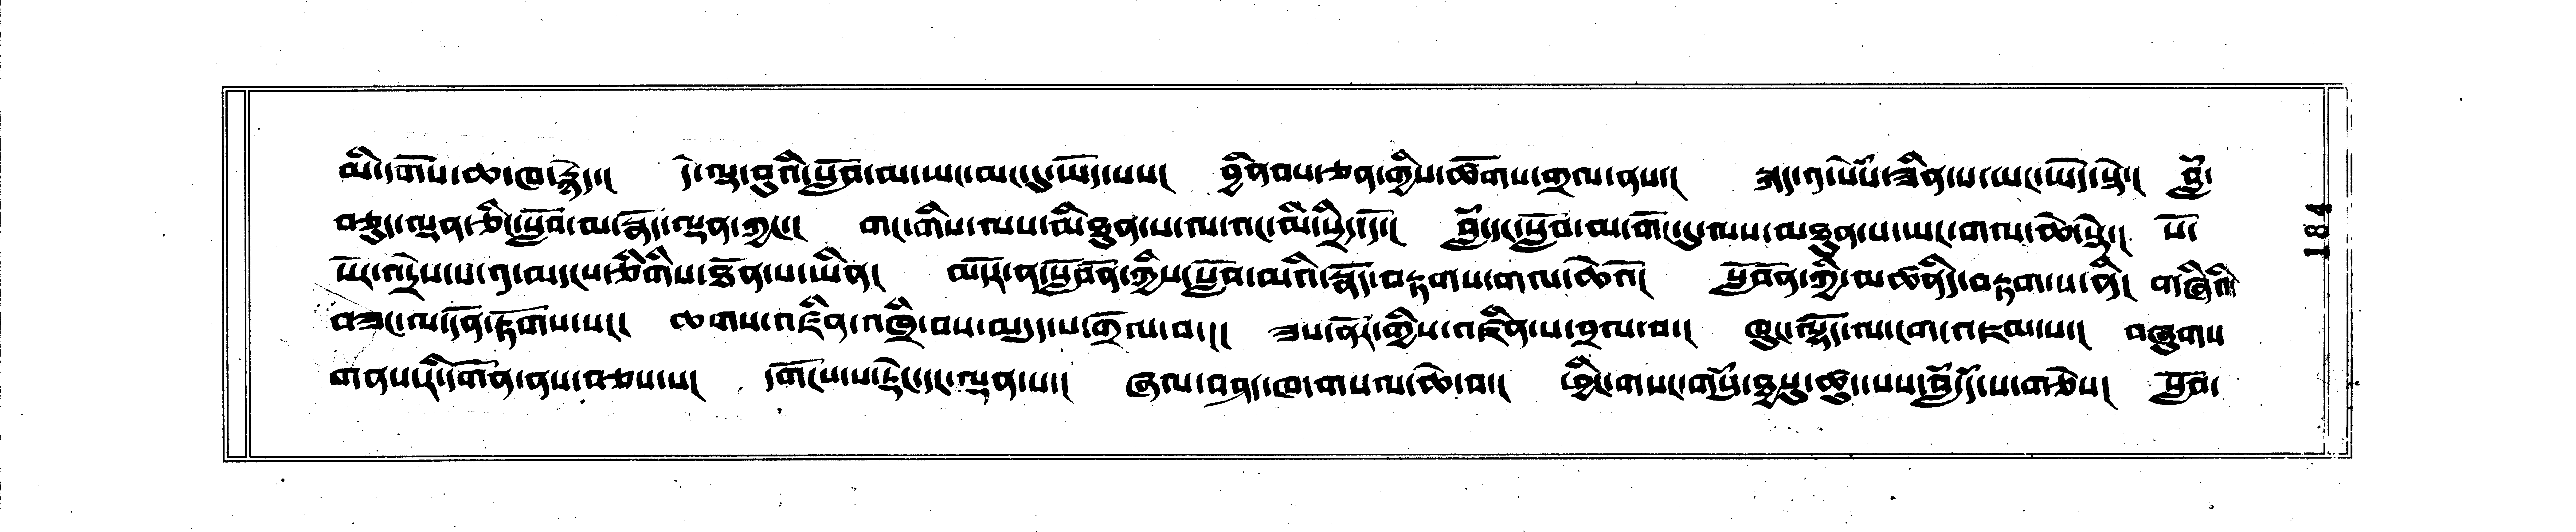མི་དགོས་གྲོལ་ཆ་ཁད་ཀྱིས་རྙེད། དེ་ལྟ་བུའི་སློབ་མ་མང་དུ་ཡོད་པ། བྱིན་རླབས་ཅན་གྱིས་ཚོགས་གྲལ་ན། སྐད་གཅིག་ལ་སེམས་ཟིན་པ་ཡང་ཡོད་དེ། བླ་མ་
བཅུད་དང་ལྡན་ཞིང་། སློབ་མ་སྣོད་དང་ལྡན་ཀྱང་། གོང་གི་ལས་མི་མཐུན་པ་ལ་འོང་པར་མི་སྲིད་དོ། བླ་མ་དང་སློབ་མ་གོང་དུ་ལས་མཐུན་པ་ཡང་གལ་ཆེ་སྟེ། སོ་
སོར་འདྲེས་ནས་ཅིག་མདངས་ཅིག་གིས་ཐོན་པ་ཡིན། མདོར་ན་སློབ་དཔོན་གྱིས་སློབ་མའི་སྣོད་བརྟགས་པ་ཡང་གཅེས་སོ། སློབ་དཔོན་གྱིས་མཚན་ཉིད་བརྟགས་པ་ནི། གཞི་
བཟང་ལ་དོན་རྟོགས་པ། ཆགས་འཛིན་འཁྲི་བའི་མདུད་པ་གྲོལ་བ། ཟས་ནོར་གྱིས་འཛིན་པ་བྲལ་བ། ཁོང་སློད་ལ་ངག་འཇམ་པ། བཞུགས་
གནས་རི་ཁྲོད་ལ་བཅའ་བ། དགོངས་པ་རྡེང་དང་ལྡན་པ། ཞལ་བཤད་ཁ་གསལ་ཆེ་བ། ཕྱི་ནང་གསང་གསུམ་ཐུགས་སུ་ཆུད་པའི་བླ་མ་དམ་པ་གཅེས། སློབ་